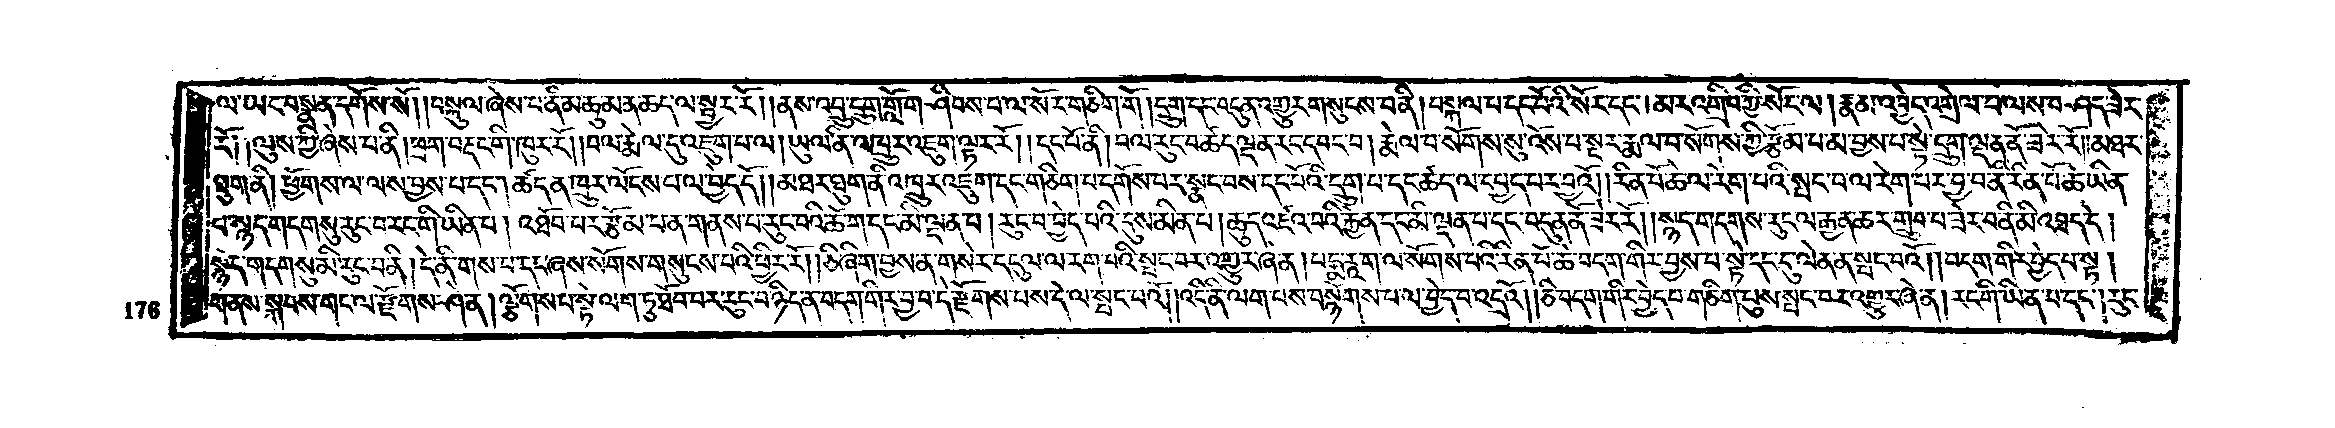ལ་ཡང་བསྣན་དགོས་སོ། །བསྐུལ་ཞེས་པ་ནི་མཆུ་མན་ཆད་ལ་སྦྱར་རོ། །ནས་འབྲུ་དྲུག་གློ་གཤིབས་པ་ལ་སོར་གཅིག་གོ །དྲུག་དང་བདུན་འགྱུར་གསུངས་པ་ནི། བསྐལ་པ་དང་པོའི་སོར་དང་། མར་འགྲིབ་ཀྱི་སོར་ལ། རྣམ་འབྱེད་འགྲེལ་པ་ལས་བཤད་ཟེར་
རོ། །ལུས་ཀྱི་ཞེས་པ་ནི། ཕྲག་བརྡང་གི་ཁུར་རོ། །བལ་རྨེལ་དུ་འཇུག་པ་ལ། ཡུལ་ནི་འཁྲུར་འཇུག་ལྟར་རོ། །དང་པོ་ནི། བལ་རུང་བ་ཚད་ལྡན་རང་དབང་བ། རྨེལ་བ་སོགས་སུ་འོས་པ་སྔར་རྨེལ་བ་སོགས་ཀྱི་རྩོམ་པ་མ་བྱས་པ་སྟེ་དྲུག་ལྡན་ནོ་ཟེར་རོ། །མཐར་
ཐུག་ནི། ཕྱོགས་ལ་ལས་བྱས་པ་དང་། ཚད་ནི་ཁུར་ལོངས་པ་ལ་བྱེད་དོ། །མཐར་ཐུག་ནི་འཁྲུར་འཇུག་དང་གཅིག་པ་དགོས་པར་སྣང་བས་དང་པོའི་དྲུག་པ་དང་ཚད་ལ་དཔྱད་པར་བྱའོ། །རིན་པོ་ཆེ་ལ་རེག་པའི་སྤང་བ་ལ་རེག་པར་བྱ་བ་ནི་རིན་པོ་ཆེ་ཡིན་
པ་སྙད་གདགས་སུ་རུང་བར་རང་གི་ཡིན་པ། འཐོབ་པར་རྩོམ་པ་ན་གནས་པ་རུང་བའི་ཆོ་ག་དང་མི་ལྡན་པ། རུང་བ་བྱེད་པའི་དུས་མིན་པ། ཆུད་འཛའ་བའི་རྐྱེན་དང་མི་ལྡན་པ་དང་བདུན་ནོ་ཟེར་རོ། །སྙད་གདགས་རུང་ལ་རྒྱན་ཆར་གྲུབ་པ་ཟེར་བ་ནི་མི་འཐད་དེ།
སྙད་གདགས་སུ་མི་རུང་བ་ནི། དེ་ནི་གས་པ་དང་ཞེས་སོགས་གསུངས་པའི་ཕྱིར་རོ། །ཅི་ཞིག་བྱས་ན་གསེར་དངུལ་ལ་རག་པའི་སྤང་བར་འགྱུར་ཞེ་ན། པདམ་རཱ་ག་ལ་སོགས་པའི་རིན་པོ་ཆེ་བདག་གིར་བྱས་པ་སྟེ་དང་དུ་ལེན་ན་སྤང་བའོ། །བདག་གིར་བྱེད་པ་སྟེ།
གནས་སྐབས་གང་ལ་རྫོགས་ཤེ་ན། ལྕོགས་པ་སྟེ་ལག་ཏུ་ཐོབ་པར་རུང་བ་ཉིད་ན་བདག་གིར་བྱ་བ་དེ་རྫོགས་པས་དེ་ལ་སྤང་པའོ། །འདི་ནི་ལག་པས་བསྙོགས་པ་ལ་བྱེད་པ་འདྲའོ། །ཅི་བདག་གིར་བྱེད་པ་གཅིག་པུས་སྤང་བར་འགྱུར་ཞེ་ན། རང་གི་ཡིན་པ་དང་། རུང་